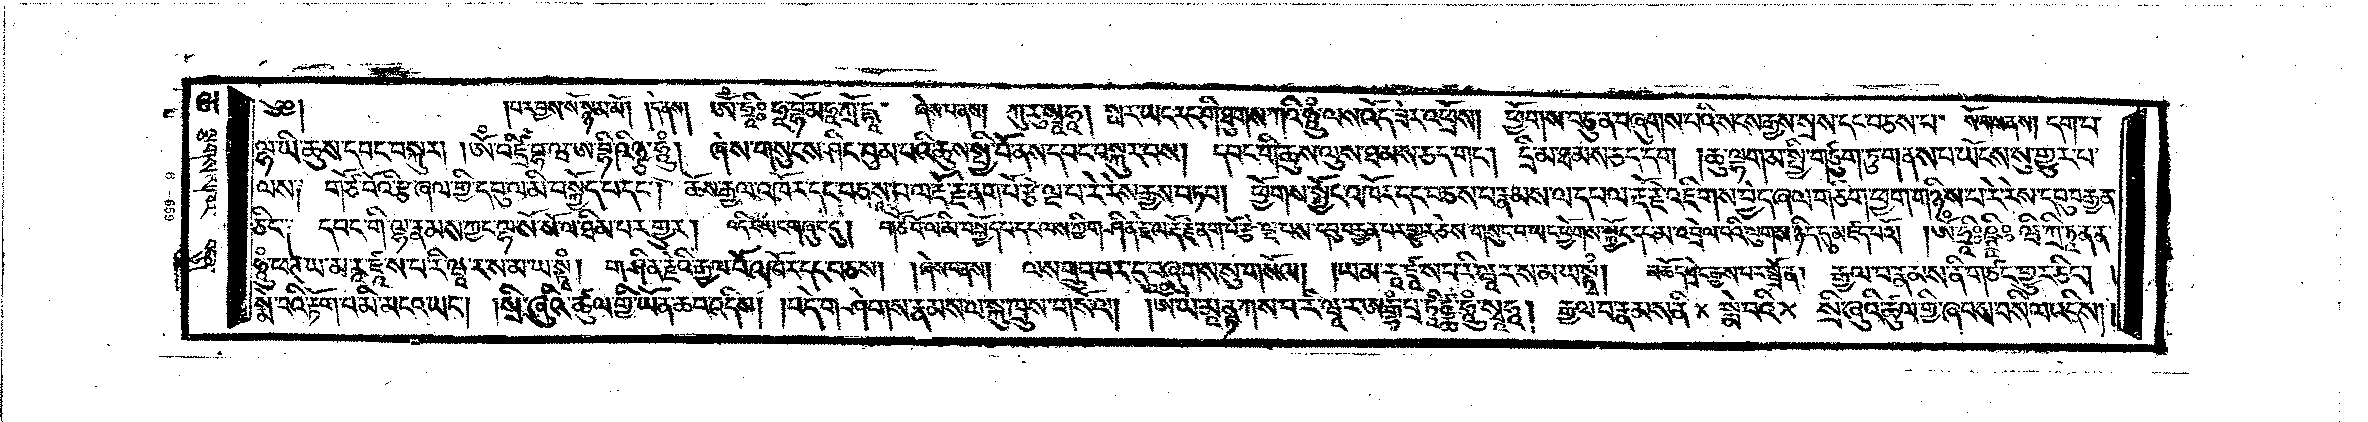༄༅། །པར་བྱས་སོ་སྙམ་མོ། །དེ་ནས། ཨོཾ་ཧྲཱིཿཧཱ་བྷོ་མ་ཧཱ་ཀོ་དྷྭ། ཞེས་པ་ནས། ཀུ་རུ་སྭཱཧཱ། སླར་ཡང་རང་གི་ཐུགས་ཀའི་ཧཱུཾ་ལས་འོད་ཟེར་འཕྲོས། །ཕྱོགས་བཅུ་ན་བཞུགས་པའི་སངས་རྒྱས་སྲས་དང་བཅས་པ་སོགས་ནས། དག་པ་
ལྷ་ཡི་ཆུས་དབང་བསྐུར། །ཨོཾ་བཛྲ་བྷ་ཝ་ས་བྷི་ཥིཉྩ་ཧཱུཾ། ཞེས་གསུངས་ཤིང་བུམ་པའི་ཆུས་སྤྱི་བོ་ནས་དབང་བསྐུར་བས། དབང་གི་ཆུས་ལུས་ཐམས་ཅད་གྲང་། དྲི་མ་ཐམས་ཅད་དག །ཆུ་ལྷག་མ་སྤྱི་གཙུག་ཏུ་གནས་པ་ཡོངས་སུ་གྱུར་པ་
ལས༑ གཙོ་བོའི་རྩ་ཞལ་གྱི་དབུལ་མི་བསྐྱོད་པ་དང་། ཆོས་རྒྱལ་འཁོར་དང་བཅས་པ་ལ་རྡོ་རྗེ་ནག་པོ་རྩ་ལྔ་པ་རེ་རེས་རྒྱས་བཏབ། ཕྱོགས་སྐྱོང་འཁོར་དང་བཅས་པ་རྣམས་ལ་དཔལ་རྡོ་རྗེའི་འཇིགས་བྱེད་ཞལ་གཅིག་ཕྱག་གཉིས་པ་རེ་རེས་དབུ་བརྒྱན་ཅིང༑ དབང་གི་ལྷ་རྣམས་ཀྱང་ལྷ་སོ་སོ་ལ་ཐིམ་པར་གྱུར། འདིར་མང་གཞུང་དུ། གཙོ་བོ་ལ་མི་བསྐྱོད་པ་དང་ལས་ཀྱི་གཤིན་རྗེ་ལ་རྡོ་རྗེ་ནག་པོ་རྩེ་ལྔ་པས་དབུ་བརྒྱན་པར་གྱུར་ཅེས་གསུངས་པ་ཡང་ཕྱོགས་སྐྱོང་དང་མ་འབྲེལ་བའི་ལུགས་ཉིད་དུ་མཛད་པའོ། །ཨོཾ་ཧྲཱིཿཥྚཱིཿཝི་ཀྲི་ཏཱ་ན་ན་
ཧཱུཾ་ཕཌ་ཡ་མ་རཱ་ཛཱ་ས་པ་རི་ཝཱ་ར་ས་མ་ཡ་སྟྭཾ། གཤིན་རྗེའི་རྒྱལ་པོ་འཁོར་དང་བཅས། །ཞེས་པ་ནས།  ལས་གྲུབ་པར་དུ་བཞུགས་སུ་གསོལ། །ཡ་མ་རཱ་ཛཱ་ས་པ་རི་ཝཱ་ར་ས་མ་ཡ་སྟྭཾ། མཆོད་ཕྲེང་རྒྱས་པར་སྤྲོ་ན།  རྒྱལ་པ་རྣམས་ནི་གཙང་གྱུར་ཅིང་། །
སྨེ་བའི་རྟོག་པ་མི་མངའ་ཡང་། །སྲི་ཞུའི་ཚུལ་གྱི་ཡོན་ཆབ་འདིས། །བདེ་གཤེགས་རྣམས་ལ་སྐུ་ཁྲུས་གསོལ། །ཨོཾ་ཡ་མྰྣྟ་ཀས་པ་རི་ཝཱ་ར་ཨརྒྷཾ་པྲ་ཏཱི་ཙྪ་ཧཱུཾ་ཕཌ། རྒྱལ་བ་རྣམས་ནི་྾་སྨེ་བའི་྾་སྲི་ཞུའི་ཚུལ་གྱི་ཞབས་བསིལ་འདིས།།